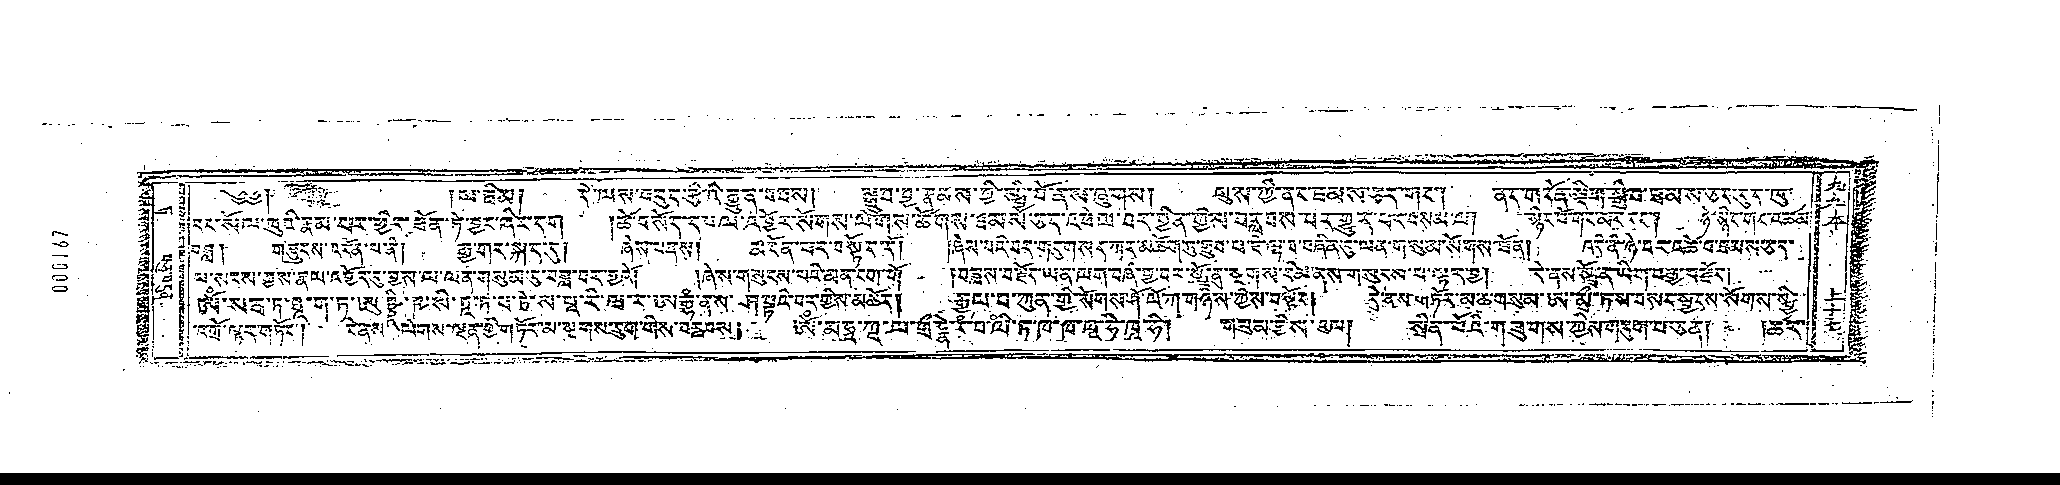༄༅། །ལ་ཐིམ། དེ་ལས་བདུད་རྩིའི་རྒྱུན་བབས། སྒྲུབ་བྱ་རྣམས་ཀྱི་སྤྱི་བོ་ནས་ཞུགས། ལུས་ཀྱི་ནང་ཐམས་ཅད་གང་། ནང་གདོན་སྡིག་སྒྲིབ་ཐམས་ཅད་དུང་ཁུ་
དང་སོལ་ཁུའི་རྣམ་པར་ཕྱིར་ཐོན་ཏེ་བྱང་ཞིང་དག །ཚེ་བསོད་དཔལ་འབྱོར་སོགས་ལེགས་ཚོགས་ཐམས་ཅད་འཕེལ་བར་བྱིན་གྱིས་བརླབས་པར་གྱུར་པར་བསམ་ལ། སྙིང་པོ་གང་མང་དང་། ཉེ་སྙིང་གང་འཚམ་
བཟླ༑ གཟུངས་འདོན་པ་ནི། རྒྱ་གར་སྐད་དུ། ཞེས་པ་ནས། མངོན་པར་བསྟོད་དོ། །ཞེས་པའི་བར་གདུགས་དཀར་མཆོག་ཏུ་གྲུབ་པ་ཇི་ལྟ་བ་བཞིན་དུ་ལན་གསུམ་སོགས་ཐོན། འདི་ནི་ཉེ་བར་འཚེ་བ་ཐམས་ཅད་
ལ་སངས་རྒྱས་རྣལ་འབྱོར་དུ་བྱས་ལ་ལན་གསུམ་དུ་བཟླ་བར་བྱའོ། །ཞེས་གསུངས་པའི་མན་ངག་གོ །བཟླས་བརྗོད་ཡན་ལག་བཞི་བྱ་བར་སྤྲོ་ན་སྔགས་རིམ་ནས་གསུངས་པ་ལྟར་བྱ། དེ་ནས་སྤྲོ་ན་ཡིག་བརྒྱ་བརྗོད།
ཨོཾ་སརྦ་ཏ་ཐཱ་ག་ཏ་ཨུཥྞཱི་ཥ་སི་ཏཱ་ཏ་པ་ཏྲེ་ས་པཱ་རི་ཝ་ར་ཨརྒྷཾ་ནས་ཤཔྟའི་བར་གྱིས་མཆོད། རྒྱལ་བ་ཀུན་གྱི་སོགས་ཤོ་ལོ་ཀ་གཉིས་ཀྱིས་བསྟོད། དེ་ནས་གཏོར་མ་ཆ་གསུམ་ཨ་མྲི་ཏས་བསང་སྦྱངས་སོགས་སྤྱི་
འགྲོ་ལྟར་གཏོང་། དེ་ནས་ལགས་ལྡན་གྱི་གཏོར་མ་སྔགས་དྲུག་གིས་བརླབས། ཨོཾ་མ་ཧཱ་ཀཱ་ལ་གྲྀཧྣེ་དཾ་པ་ལིཾ་ཏ་ཁ་ཁ་ཁཱ་ཧི་ཁཱ་ཧི། གསུམ་གྱིས་དབུལ། སྲིན་པོའི་གཟུགས་ཀྱིས། ག་པ་ཅན། །ཚར་